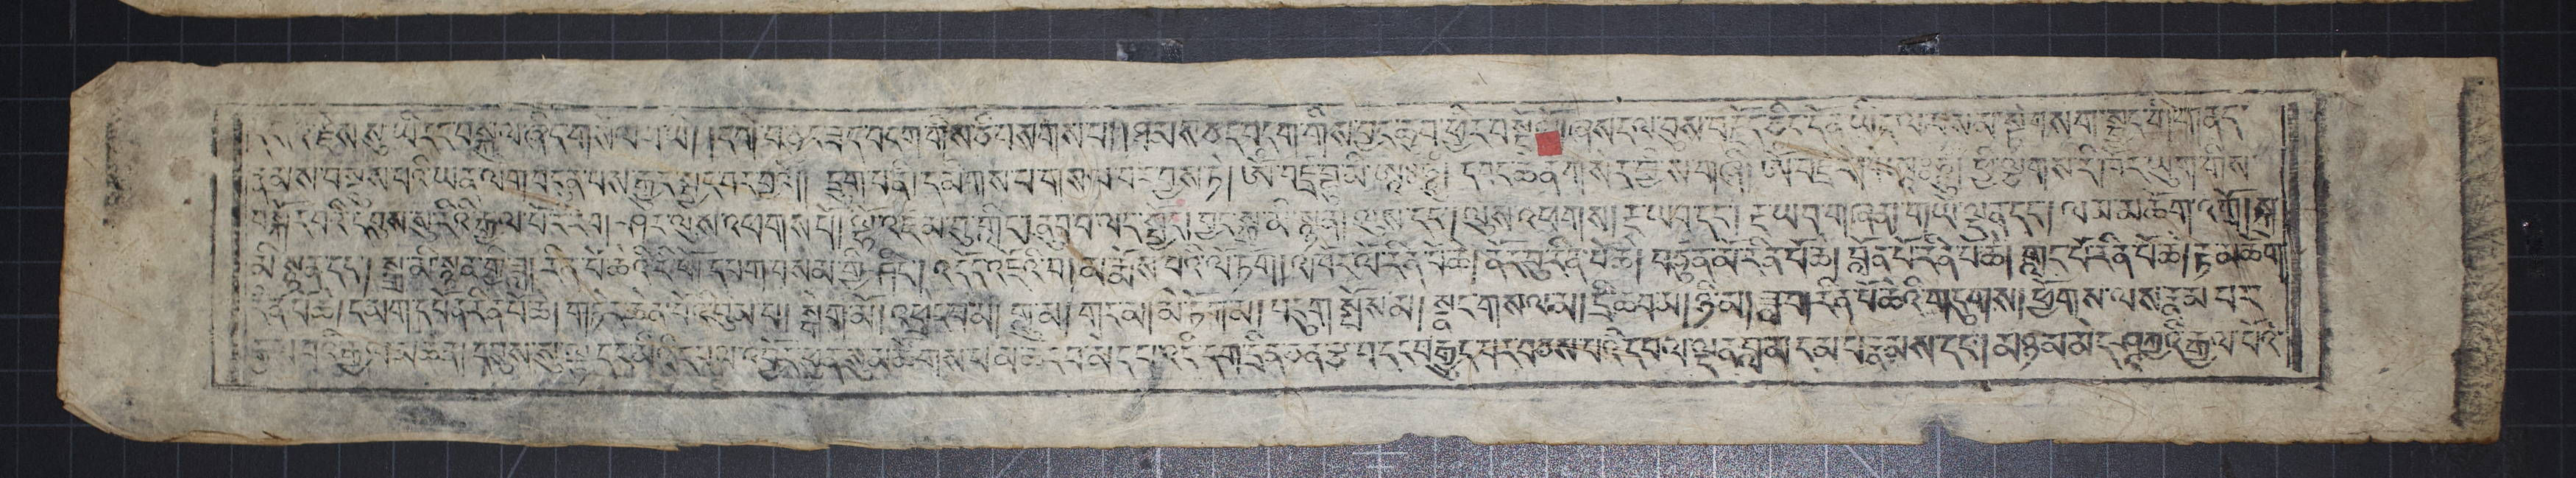དང་། །རྗེས་སུ་ཡི་རང་བསྐུལ་ཞིང་གསོལ་བ་ཡི། །དགེ་བ་ཅུང་ཟད་བདག་གིས་ཅི་བསགས་པ། །ཐམས་ཅད་བདག་གིས་བྱང་ཆུབ་ཕྱིར་བསྔོའོ། །ཞེས་དལ་བུས་བརྗོད་ཅིང་དོན་ཡིད་ལ་བསམ་སྟེ་བསག་སྦྱང་གི་གནད་
རྣམས་བསྡུས་པའི་ཡན་ལག་བདུན་པས་རྒྱུད་སྦྱང་བར་བྱའོ། །དྲུག་པ་ནི། དམིགས་པ་གསལ་བར་བྱས་ཏེ། ཨོཾ་བཛྲ་བྷུ་མི་ཨཱཿ ཧཱུཾ། དབང་ཆེན་གསེར་གྱི་ས་གཞི། ཨོཾ་བཛྲ་རེ་ཁེ་ཨཱཿ ཧཱུཾ། ཕྱི་ལྕགས་རི་ཁོར་ཡུག་གིས་
བསྐོར་བའི་དབུས་སུ་རིའི་རྒྱལ་པོ་རི་རབ། ཤར་ལུས་འཕགས་པོ། ལྷོ་འཛམ་བུ་གླིང་། ནུབ་བ་ལང་སྤྱོད། བྱང་སྒྲ་མི་སྙན། ལུས་དང་། ལུས་འཕགས། རྔ་ཡབ་དང་། །རྔ་ཡབ་བཞིན། གཡོ་ལྡན་དང་། ལམ་མཆོག་འགྲོ། སྒྲ་
མི་སྙན་དང་། སྒྲ་མི་སྙན་གྱི་ཟླ། རིན་པོ་ཆེའི་རི་བོ། དཔག་བསམ་གྱི་ཤིང་། འདོད་འཇོའི་བ། མ་རྨོས་པའི་ལོ་ཏོག །འཁོར་ལོ་རིན་པོ་ཆེ། ནོར་བུ་རིན་པོ་ཆེ། བཙུན་མོ་རིན་པོ་ཆེ། བློན་པོ་རིན་པོ་ཆེ། གླང་པོ་རིན་པོ་ཆེ། རྟ་མཆོག་
རིན་པོ་ཆེ། དམག་དཔོན་རིན་པོ་ཆེ། གཏེར་ཆེན་པོའི་བུམ་པ། སྒེག་མོ། འཕྲེང་བ་མ། གླུ་མ། གར་མ། མེ་ཏོག་མ། བདུག་སྤོས་མ། སྣང་གསལ་མ། དྲི་ཆབ་མ། ཉི་མ། ཟླ་བ། རིན་པོ་ཆེའི་གདུགས། ཕྱོགས་ལས་རྣམ་པར་
རྒྱལ་བའི་རྒྱལ་མཚན། དབུས་སུ་ལྷ་དང་མིའི་དཔལ་འབྱོར་ཕུན་སུམ་ཚོགས་པ་མ་ཚང་བ་མེད་པ་འདི་དག་དྲིན་ཅན་རྩ་བ་དང་བརྒྱུད་པར་བཅས་པའི་དཔལ་ལྡན་བླ་མ་དམ་པ་རྣམས་དང་། མཉམ་མེད་ཤཱཀྱའི་རྒྱལ་པོའི་